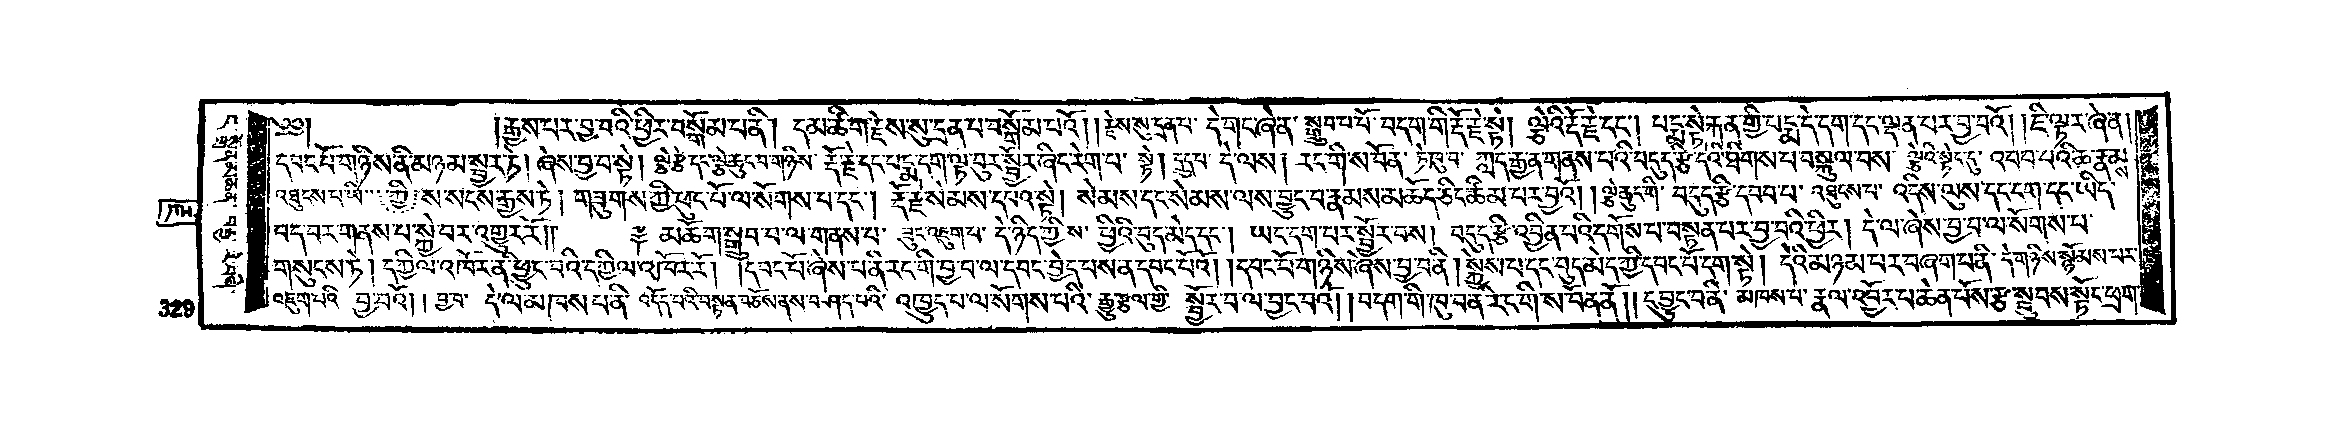༄༅། །རྒྱས་པར་བྱ་བའི་ཕྱིར་བསྒོམ་པ་ནི། དམ་ཚིག་རྗེས་སུ་དྲན་པ་བསྒོམ་པའོ། ། རྗེས་སུ་དྲན་པ་དེ་གང་ཞེ་ན་སྒྲུབ་པ་པོ་བདག་གི་རྡོ་རྗེ་སྟེ། ལྕེའི་རྡོ་རྗེ་དང་། པདམ་སྟེ་རྐན་གྱི་པདམ་དེ་དག་དང་ལྡན་པར་བྱ་བའོ། །ཇི་ལྟར་ཞེ་ན།
དབང་པོ་གཉིས་ནི་མཉམ་སྦྱར་ཏེ། ཞེས་བྱ་བ་སྟེ། ལྕེ་རྩེ་དང་ལྕེ་ཆུང་བ་གཉིས་རྡོ་རྗེ་དང་པདམ་དག་ལྟ་བུར་སྦྱོར་ཞིང་རེག་པ་སྟེ། དྲུད་པ་དེ་ལས། རང་གི་ས་བོན་ཏེ་ཁུ་བ་ཀླད་རྒྱན་གནས་པའི་བདུད་རྩི་དེའི་ཐིགས་པ་བསྐུལ་བས་ལྕེའི་སྟེང་དུ་འབབ་པའི་ཆ་རྣམས་
འཐུངས་པ་ཡི་ཀྱིས་སངས་རྒྱས་ཏེ། གཟུགས་ཀྱི་ཕུང་པོ་ལ་སོགས་པ་དང་། རྡོ་རྗེ་སེམས་དཔའ་སྟེ། སེམས་དང་སེམས་ལས་བྱུང་བ་རྣམས་མཆོད་ཅིང་ཚིམ་པར་བྱའོ། ། ལྕེ་ཆུང་གི་བདུད་རྩི་དབབ་པ་འཐུངས་པ་འདིས་ལུས་དང་ངག་དང་ཡིད་
བདེ་བར་གནས་པ་སྐྱེ་བར་འགྱུར་རོ།། ༈ མཆོག་སྒྲུབ་པ་ལ་གནས་པ་ཟུང་འཇུག་པ་དེ་ཉིད་ཀྱིས་ཕྱིའི་བུད་མེད་དང་། ཡང་དག་པར་སྦྱོར་བས། བདུད་རྩི་འབྱིན་པའི་དགོས་པ་བསྟན་པར་བྱ་བའི་ཕྱིར། དེ་ལ་ཞེས་བྱ་བ་ལ་སོགས་པ་
གསུངས་ཏེ། དཀྱིལ་འཁོར་ནི་ཕྱུང་བའི་དཀྱིལ་འཁོར་རོ། །དབང་པོ་ཞེས་པ་ནི་རང་གི་བྱ་བ་ལ་དབང་བྱེད་པས་ན་དབང་པོའོ། །དབང་པོ་གཉིས་ཞེས་བྱ་བ་ནི། སྐྱེས་པ་དང་བུད་མེད་ཀྱི་དབང་པོ་དག་སྟེ། དེའི་མཉམ་པར་བཞག་པ་ནི་དེ་གཉིས་སྙོམས་པར་
འཇུག་པའི་བྱ་བའོ། ། བྱ་བ་དེ་ལ་མཁས་པ་ནི་འདོད་པའི་བསྟན་བཅོས་ནས་བཤད་པའི་འཁྱུད་པ་ལ་སོགས་པའི་རྒྱུ་རྩལ་གྱི་སྦྱོར་བ་ལ་བྱང་བའོ། །བདག་གི་ཁུ་བ་ནི་རང་གི་ས་བོན་ནོ། །དབྱུང་བ་ནི་མཁས་པ་རྣལ་འབྱོར་པ་ཆེན་པོས་རྩ་སྦུབས་སྟོང་ཕྲག་